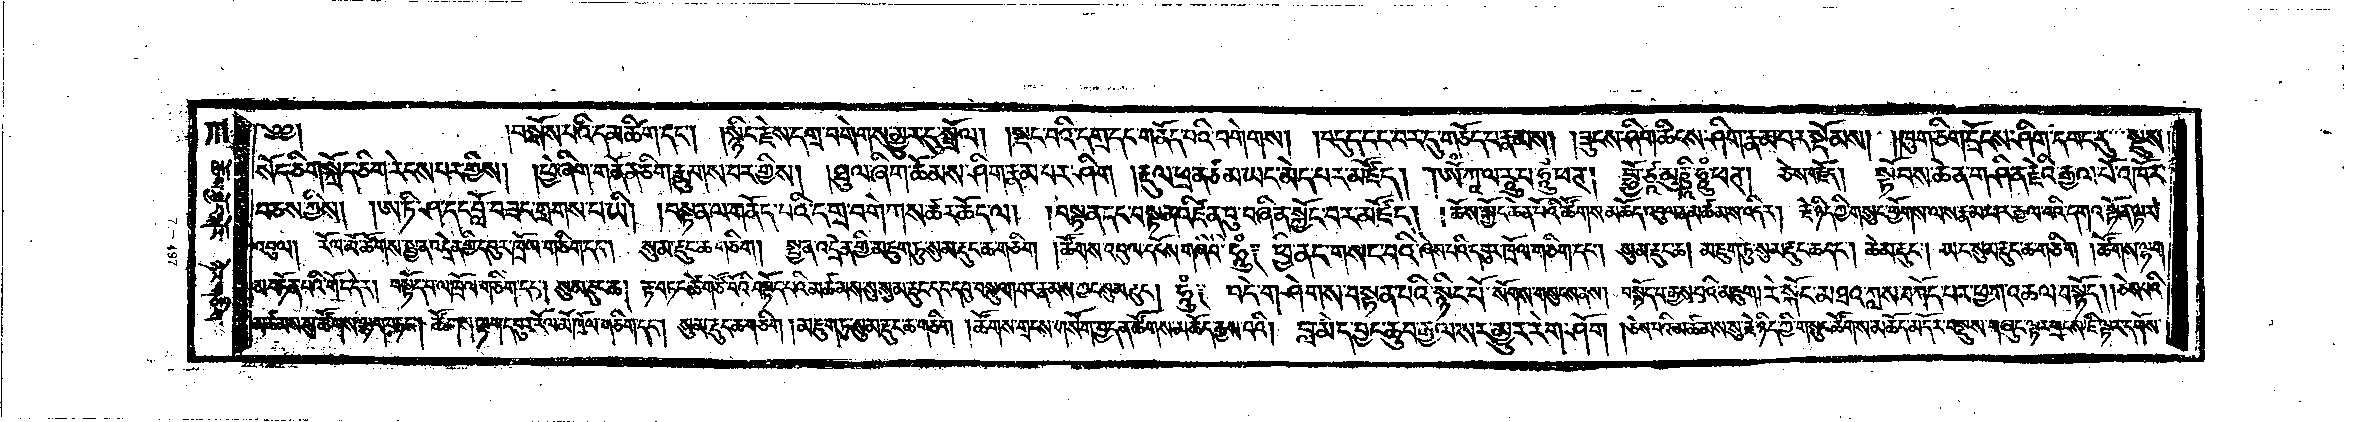༄༅། །བསྒོས་པའི་དམ་ཚིག་དང་། །སྙིང་རྗེས་དགྲ་བགེགས་མྱུར་དུ་སྒྲོལ། །སྡང་བའི་དགྲ་དང་གནོད་པའི་བགེགས། །བདུད་དང་བར་དུ་གཅོད་པ་རྣམས། །ཟུངས་ཤིག་ཆིངས་ཤིག་རྣམ་བར་སྡོམས། །ཁུག་ཅིག་དྲོངས་ཤིག་དབང་དུ་སྡུས། །
སོད་ཅིག་སྐྲོད་ཅིག་རེངས་པར་གྱིས། །ཕྱེ་ཞིག་གནོན་ཅིག་རྨུགས་པར་གྱིས། །ཐུལ་ཞིག་ཆོམས་ཤིག་རྣམ་པར་ཤིག །རྡུལ་ཕྲན་ཙམ་ཡང་མེད་པར་མཛོད། །ཨོཾ་ཀཱ་ལ་རཱུ་པ་ཧཱུཾ་ཕཊ། ཅེས་བརྗོད།  སྟོབས་ཆེན་གཤིན་རྗེའི་རྒྱལ་པོ་འཁོར་
བཅས་ཀྱིས། །ཨ་ཏི་ཤ་དང་བློ་བཟང་གྲགས་པ་ཡི། །བསྟན་ལ་གནོད་པའི་དགྲ་བགེགས་ཚར་ཆོད་ལ། །བསྟན་དང་བསྟན་འཛིན་བུ་བཞིན་སྐྱོང་བར་མཛོད། །ཆོས་སྐྱོང་ཆེན་པོའི་ཚོགས་མཆོད་འབུལ་ན་མཚམས་འདིར། རྗེ་ཉིད་ཀྱི་གསུང་ཕྱོགས་ལས་རྣམ་པར་རྒྱལ་བའི་དགའ་སྟོན་ལྟར་
འབུལ། རོལ་མོ་ཚོགས་སྤྱན་འདྲེན་གྱི་དབུར་ཁྲོལ་གཅིག་དང་། སུམ་རྡུར་ཆ་གཅིག། སྤྱན་འདྲེན་གྱི་མཇུག་ཏུ་སུམ་རྡུང་ཆ་གཅིག །ཚོགས་འབུལ་དངོས་གཞིའི་ཧཱུཾ༑ ཕྱི་ནང་གསང་བའི་ཞེས་པའི་དབུར་ཁྲོལ་གཅིག་དང་། སུམ་རྡུང་ཆ། མཇུག་ཏུ་སུམ་རྡུང་ཆ་དང་། ཆེམ་རྡུང་། ཡང་སུམ་རྡུང་ཆ་གཅིག །ཚོགས་ལྷག་
མ་བཏོན་པའི་གོ་བདེར། བསྟོད་པ་ལ་ཁྲོལ་གཅིག་དབ། སུམ་རྡུང་ཆ། རྟ་བཏང་ཚེ་གཙོ་བོའི་བསྟོད་པའི་མཆམས་སུ་སུམ་རྡུང་དང་དབུ་བསྐུལ་།བར་རྣམས་ཀྱང་སུམ་རྡུང་། ཧཱུཾ༑ བདེ་གཤེགས་བསྟན་པའི་སྙིང་པོ་སོགས་།སུ་ས་ནས། བསྟོད་པ་རྒྱས་པའི་མཇུག།  རེ་སྐོང་མཐའ་ཀླས་བཀོད་བར་ཕྱག་འཚལ་བསྟོད། །ཅེས་པའི་
མཚམས་སུ་ཚོགས་ལྷག་བཏང་། ཚོགས་ལྷག་དབུར་རོལ་མོ་ཁྲོལ་གཅིག་དང་། སུམ་རྡུང་ཆ་གཅིག །མཇུག་ཏུ་སུམ་རྡུང་ཆ་གཅིག །ཚོགས་གྲངས་གསེག་བྱེད་ན་ཚོགས་མཆོད་རྒྱས་བའི། བླ་མེད་བྱང་ཆུབ་རྒྱལ་སར་མྱུར་ཏག་ཤོག །ཅེས་པའི་མཆམས་སུ་རྗེ་ཉིད་ཀྱི་གསུང་ཚོགས་མཆོད་མདོར་བསྡུས་གཞུང་ལྟར་གྲངས་ཇི་ལྟར་དགོས་